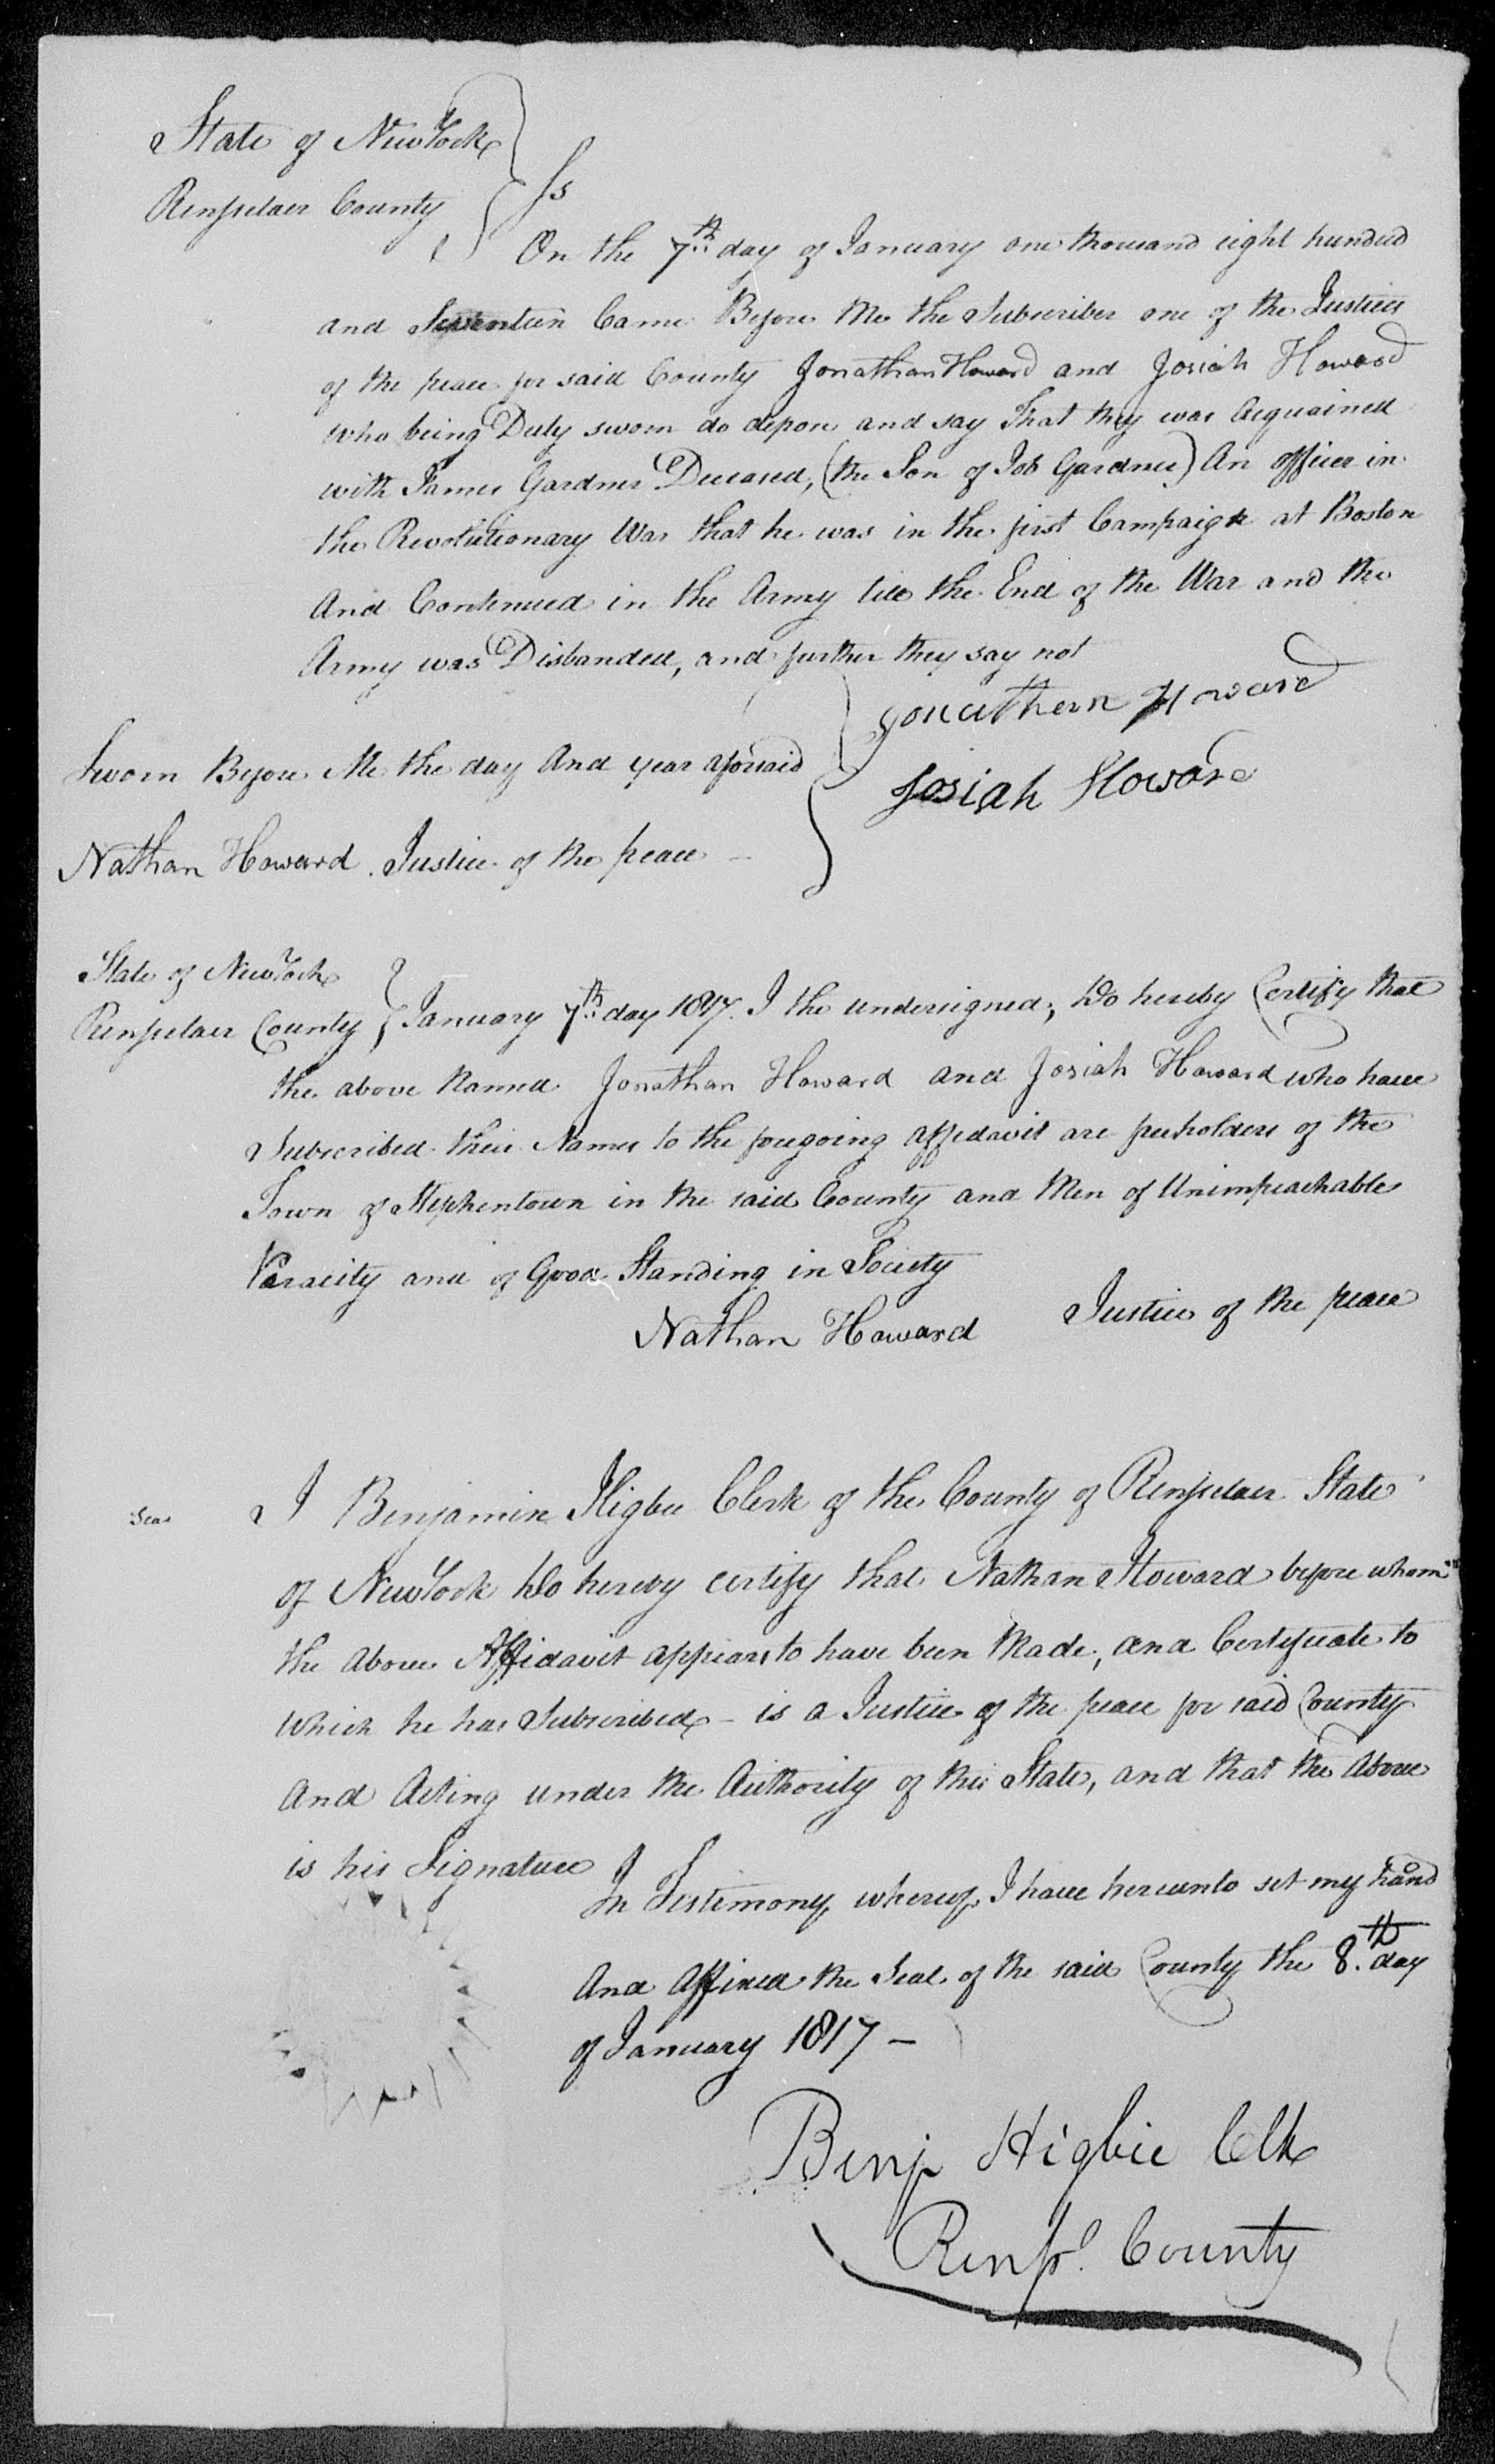State of New York 
Rensselaer County } ss.  On the 7th day of January one thousand eight hundred and Seventeen Came Before me the Subscriber one of the Justices of the peace for said County Jonathan Howard and Josiah Howard who being Duly sworn do depose and say that they was acquainted with James Gardner Deceased, (the Son of Job Gardner) An officer in the Revolutionary War that he was in the first campaign at Boston and Continued in the Army till the End of the War and the Army was Disbanded, and further they say not 
[signed] Jonathan Howard  Josiah Howard
Sworn Before me the day and year aforsaid 
[signed] Nathan Howard Justice of the peace 

State of New York
Rensselaer County }  January 7th day 1817. I the undersigned, do hereby Certify that the above Named Jonathan Howard and Josiah Howard who have Subscribed their Names to the foregoing affidavit are freeholders of the Town of Stephentown in the said County and Men of unimpeachable Veracity and of Good Standing in Society 
[signed] Nathan Howard Justice of the peace 

I Benjamin Higbee Clerk of the County of Rensselaer State of New York Do hereby certify that Nathan Howard before whom the above Affidavit appears to have been Made, and Certificate to which he has Subscribed is a Justice of the peace for said County and Acting under the Authority of this State, and that the above is his Signature 
In Testimony whereof I have hereunto set my hand and affixed the Seal of the said County the 8th day of January 1817 – 
[signed] Benj Higbie Clk Renss. County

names: Josiah Howard, Josiah Howard, Jonathan Howard, Jon Gardner, Jonathan Howard, Nathan Howard, Benj Higbie, Benjamin Higbee, Nathan Howard, James Gardner, Jonathan Howard, Job Gardner, Nathan Howard, Josiah Howard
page: 13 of 18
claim: bounty land warrant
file: B. L. Wt. 668-200, James Gardner, Continental Artillery Parents Of N.Y.